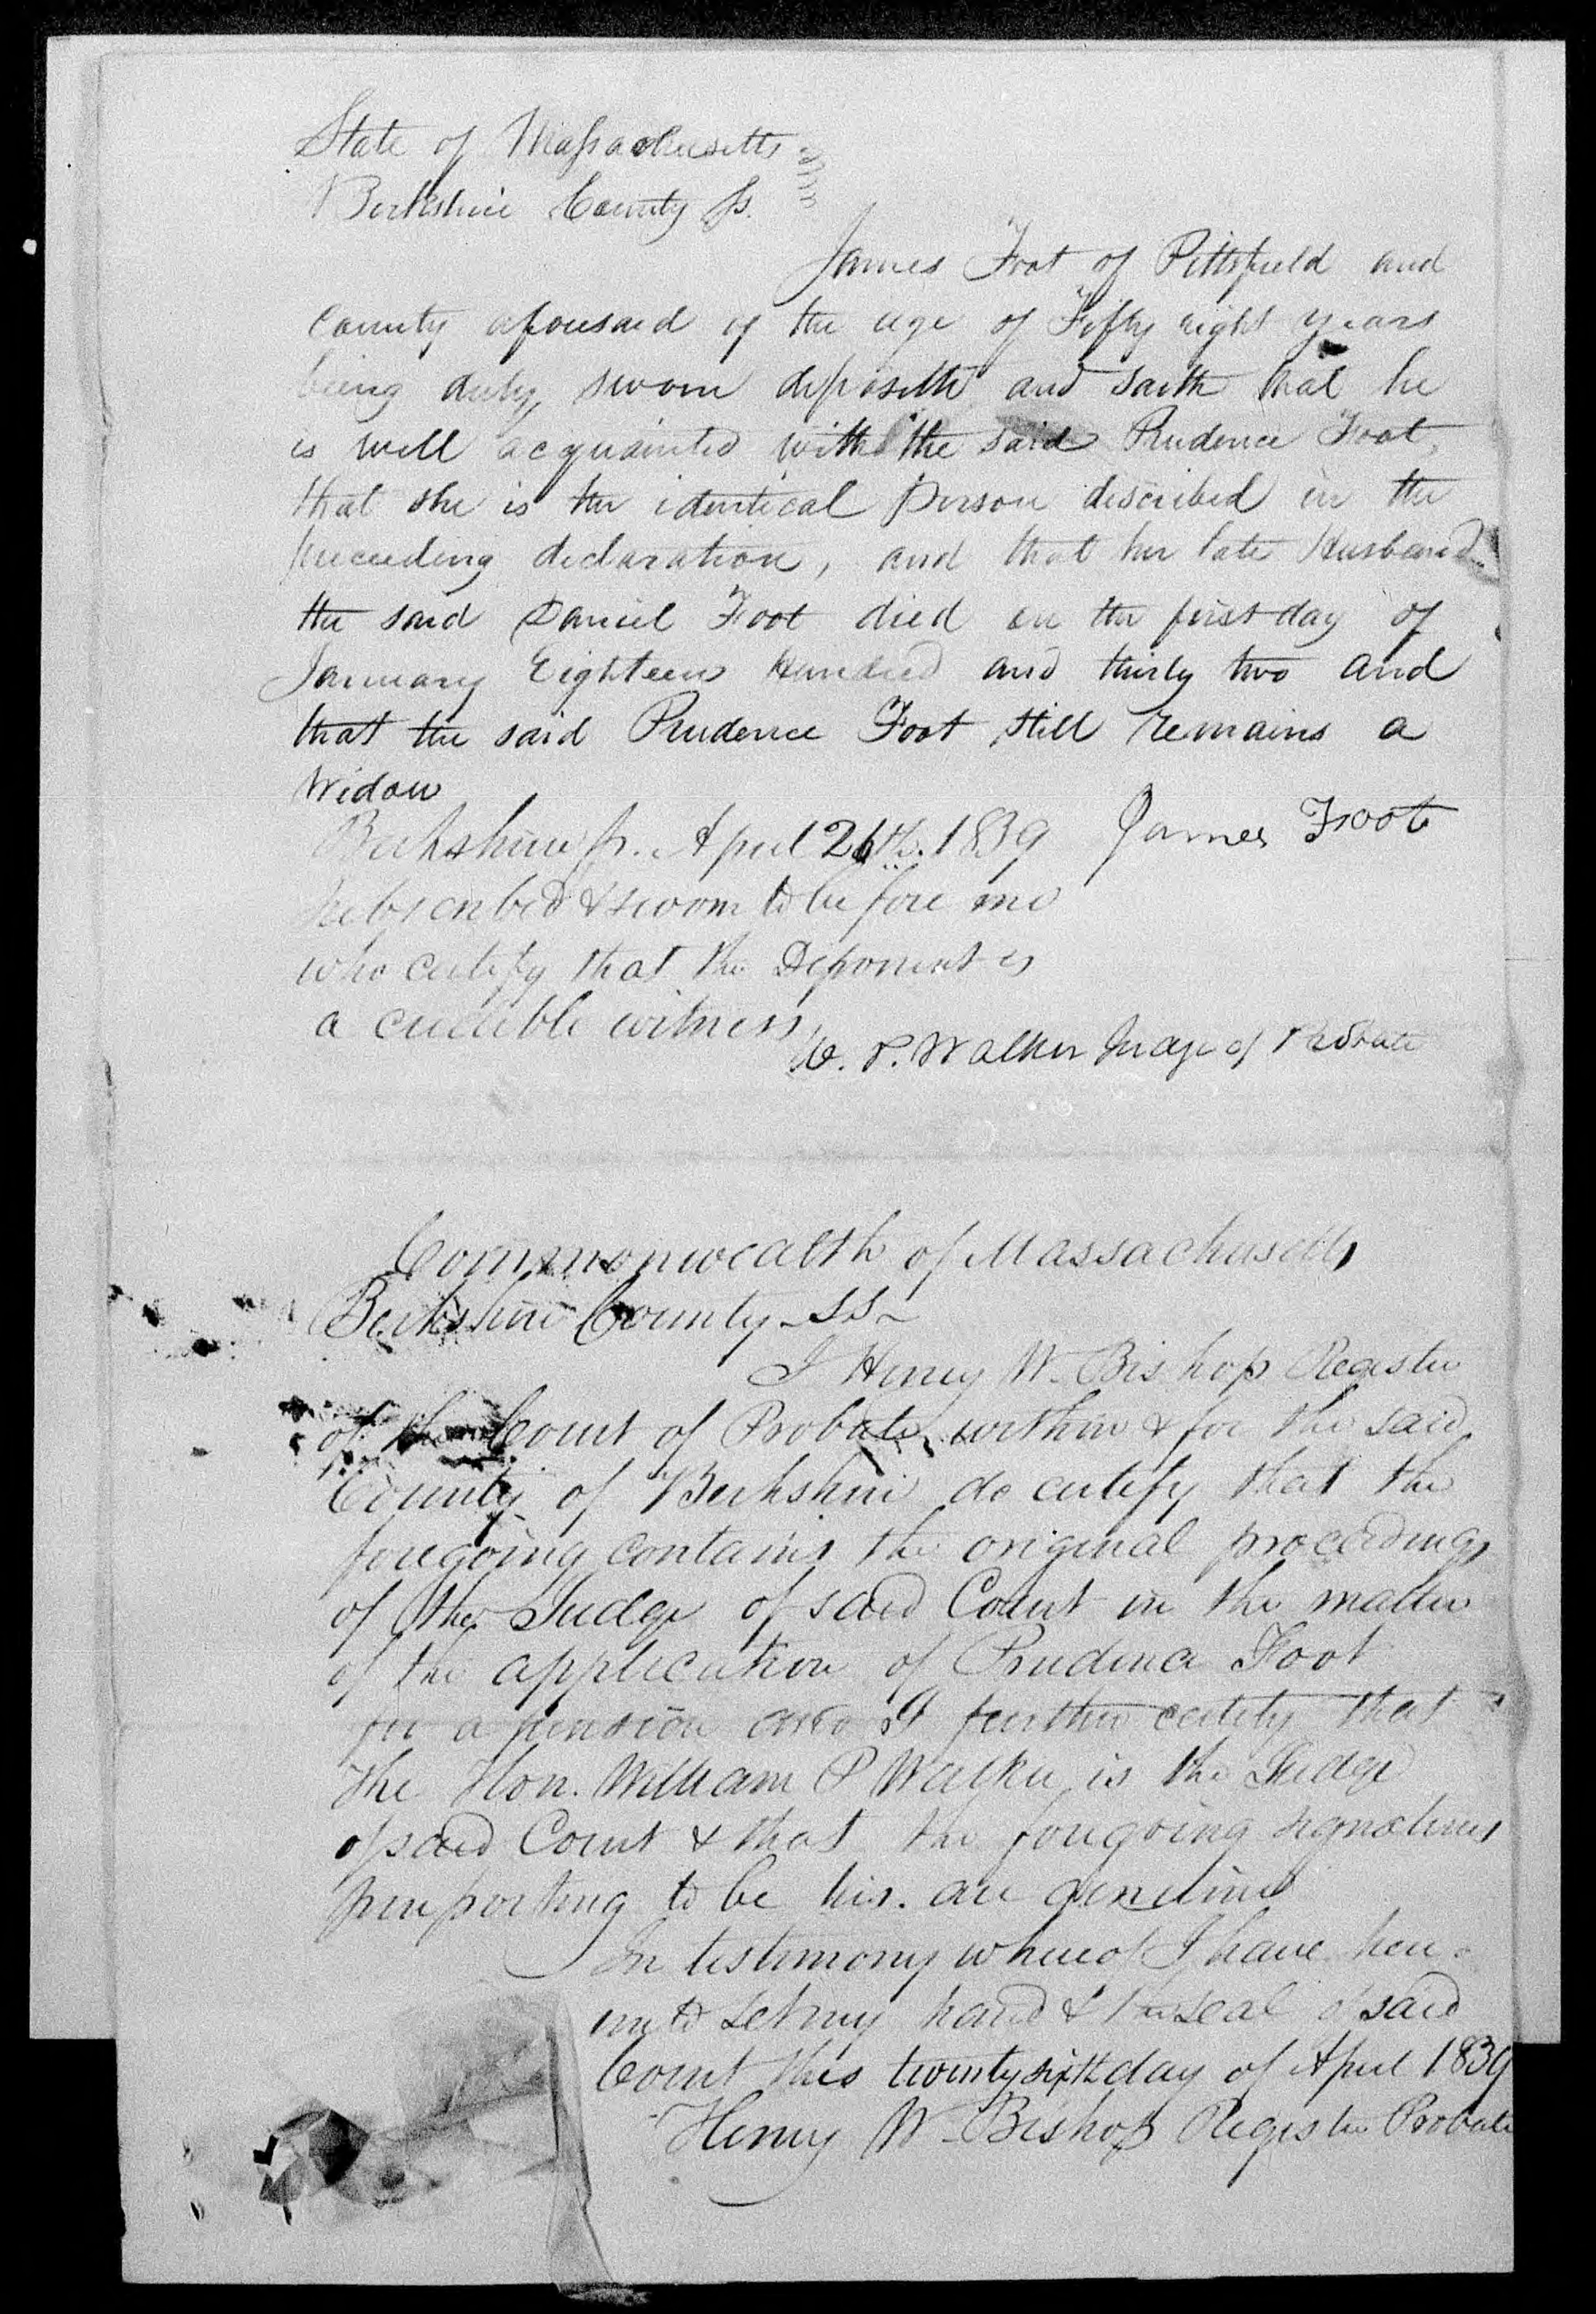State of Massachusetts
Berkshire County   Ss.

James Foot of Pittsfield and County aforesaid of the age of Fifty eight years being duly sworn deposeth and saith that he is well acquainted with the said Prudence Foot, that she is the identical person described in the preceeding declaration, and that her late husband the said Daniel Foot died on the first day of January Eighteen Hundred and thirty two and that the said Prudence Foot still remains a widow    James Foot

Berkshire. April 26th 1839
Subscribed & sworn to before me who certify that the Deponent is a credible witness    W. P. Walker  Judge of Probate

Commonwealth of Massachusetts, Berkshire County  Ss.

I Henry W. Bishop Register of the Court of Probate within & for the said County of Berkshire do certify that the foregoing contains the original proceeding of the Judge of said Court in the matter of the application of Prudence Foot for a pension also I further certify that the Hon. William P Walker is the Judge of said Court & that the foregoing signatures purporting to be his are genuine  In testimony whereof I have here unto set my hand & the seal of said Court this twenty sixth day of April 1839
Henry W. Bishop  Register Probate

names: Daniel Foot; William P Walker; James Foot; Henry W Bishop; Prudence Foot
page: 8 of 60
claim: widow's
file: W. 14,036, for James Knowles, Connecticut